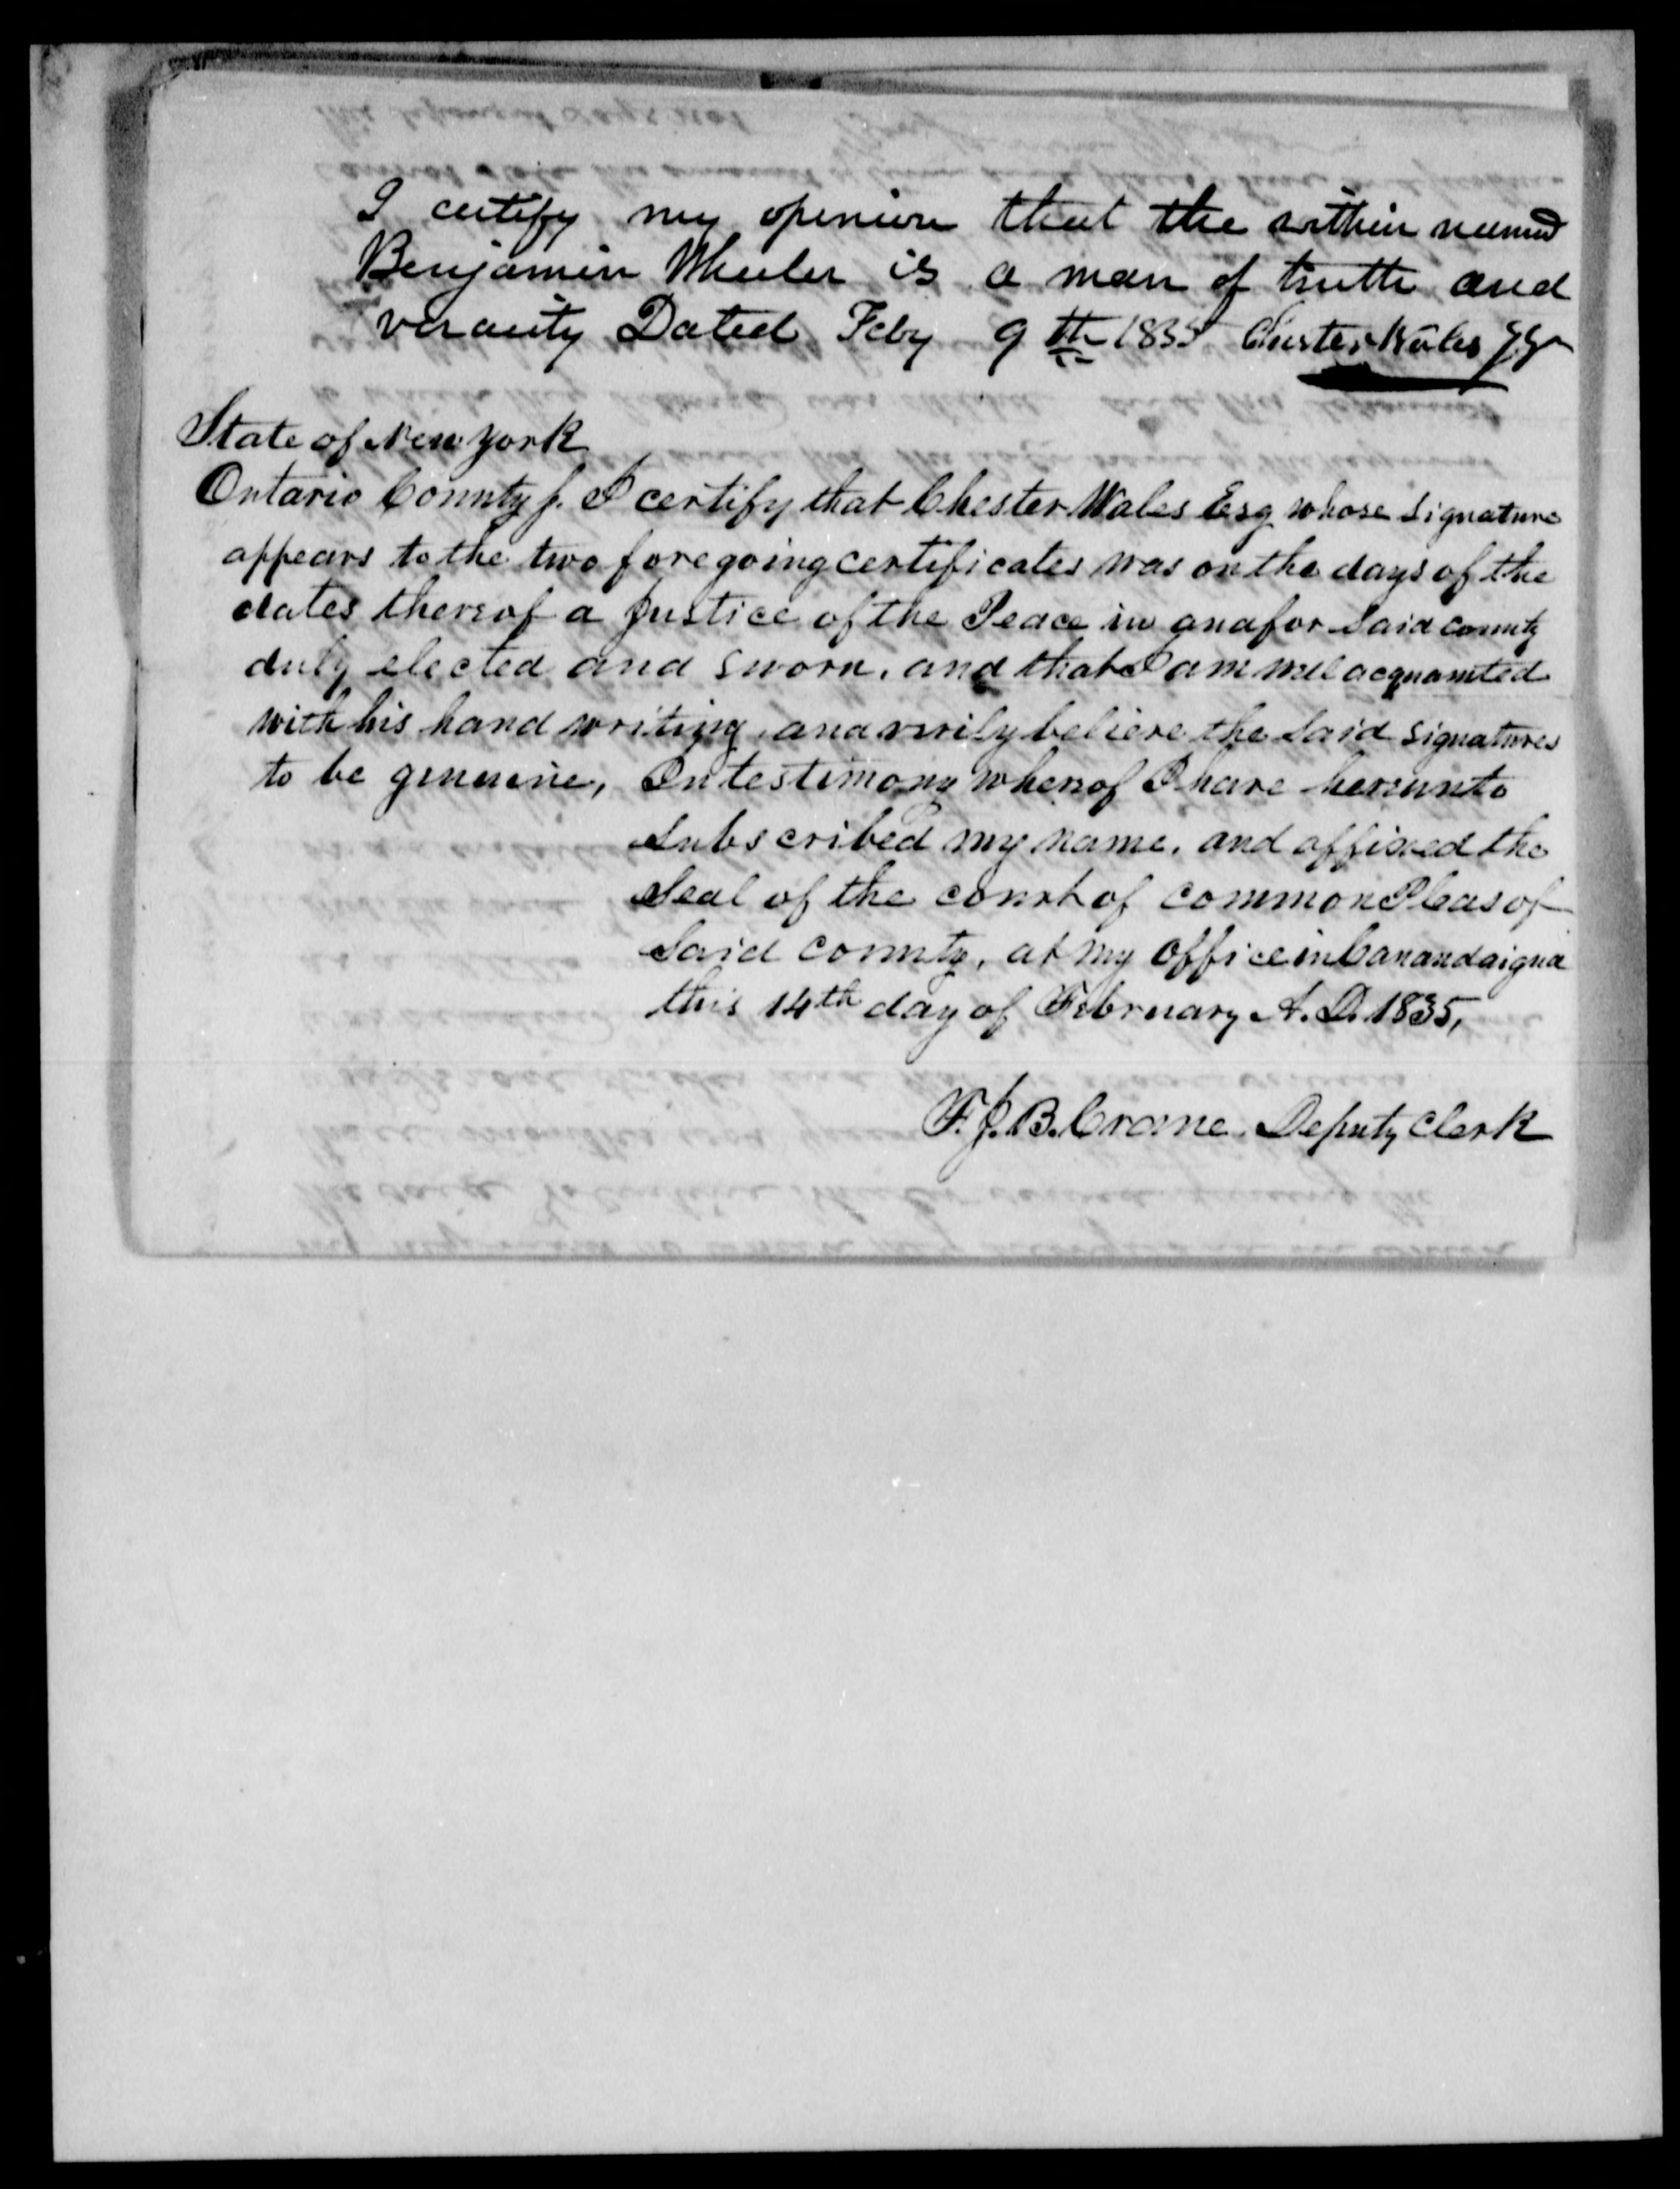I certify my opinion that the within named Benjamin Wheeler is a man of truth and veracity. Dated Feby. 9th 1835
Chester Wales JP

State of New York
Ontario County SS
I certify that Chester Wales Esq. whose signature appears to the two forgoing certificates was on the days of the dates thereof a Justice of the Peace in and for said county duly elected and sworn, and that I am well acquainted with his hand writing and verily believe the said signatures to be genuine.
In testimony whereof I have hereunto subscribed my name and affixed the Seal of the Court of Common Pleas of said county at my office in Canandaigua this 14th day of February A. D. 1835
F. J. B. Crane, Deputy Clerk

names: Benjamin Wheeler, Chester Wales, F J B Crane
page: 91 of 98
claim: widow's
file: W. 1682, Valentine Wheeler, Mass.